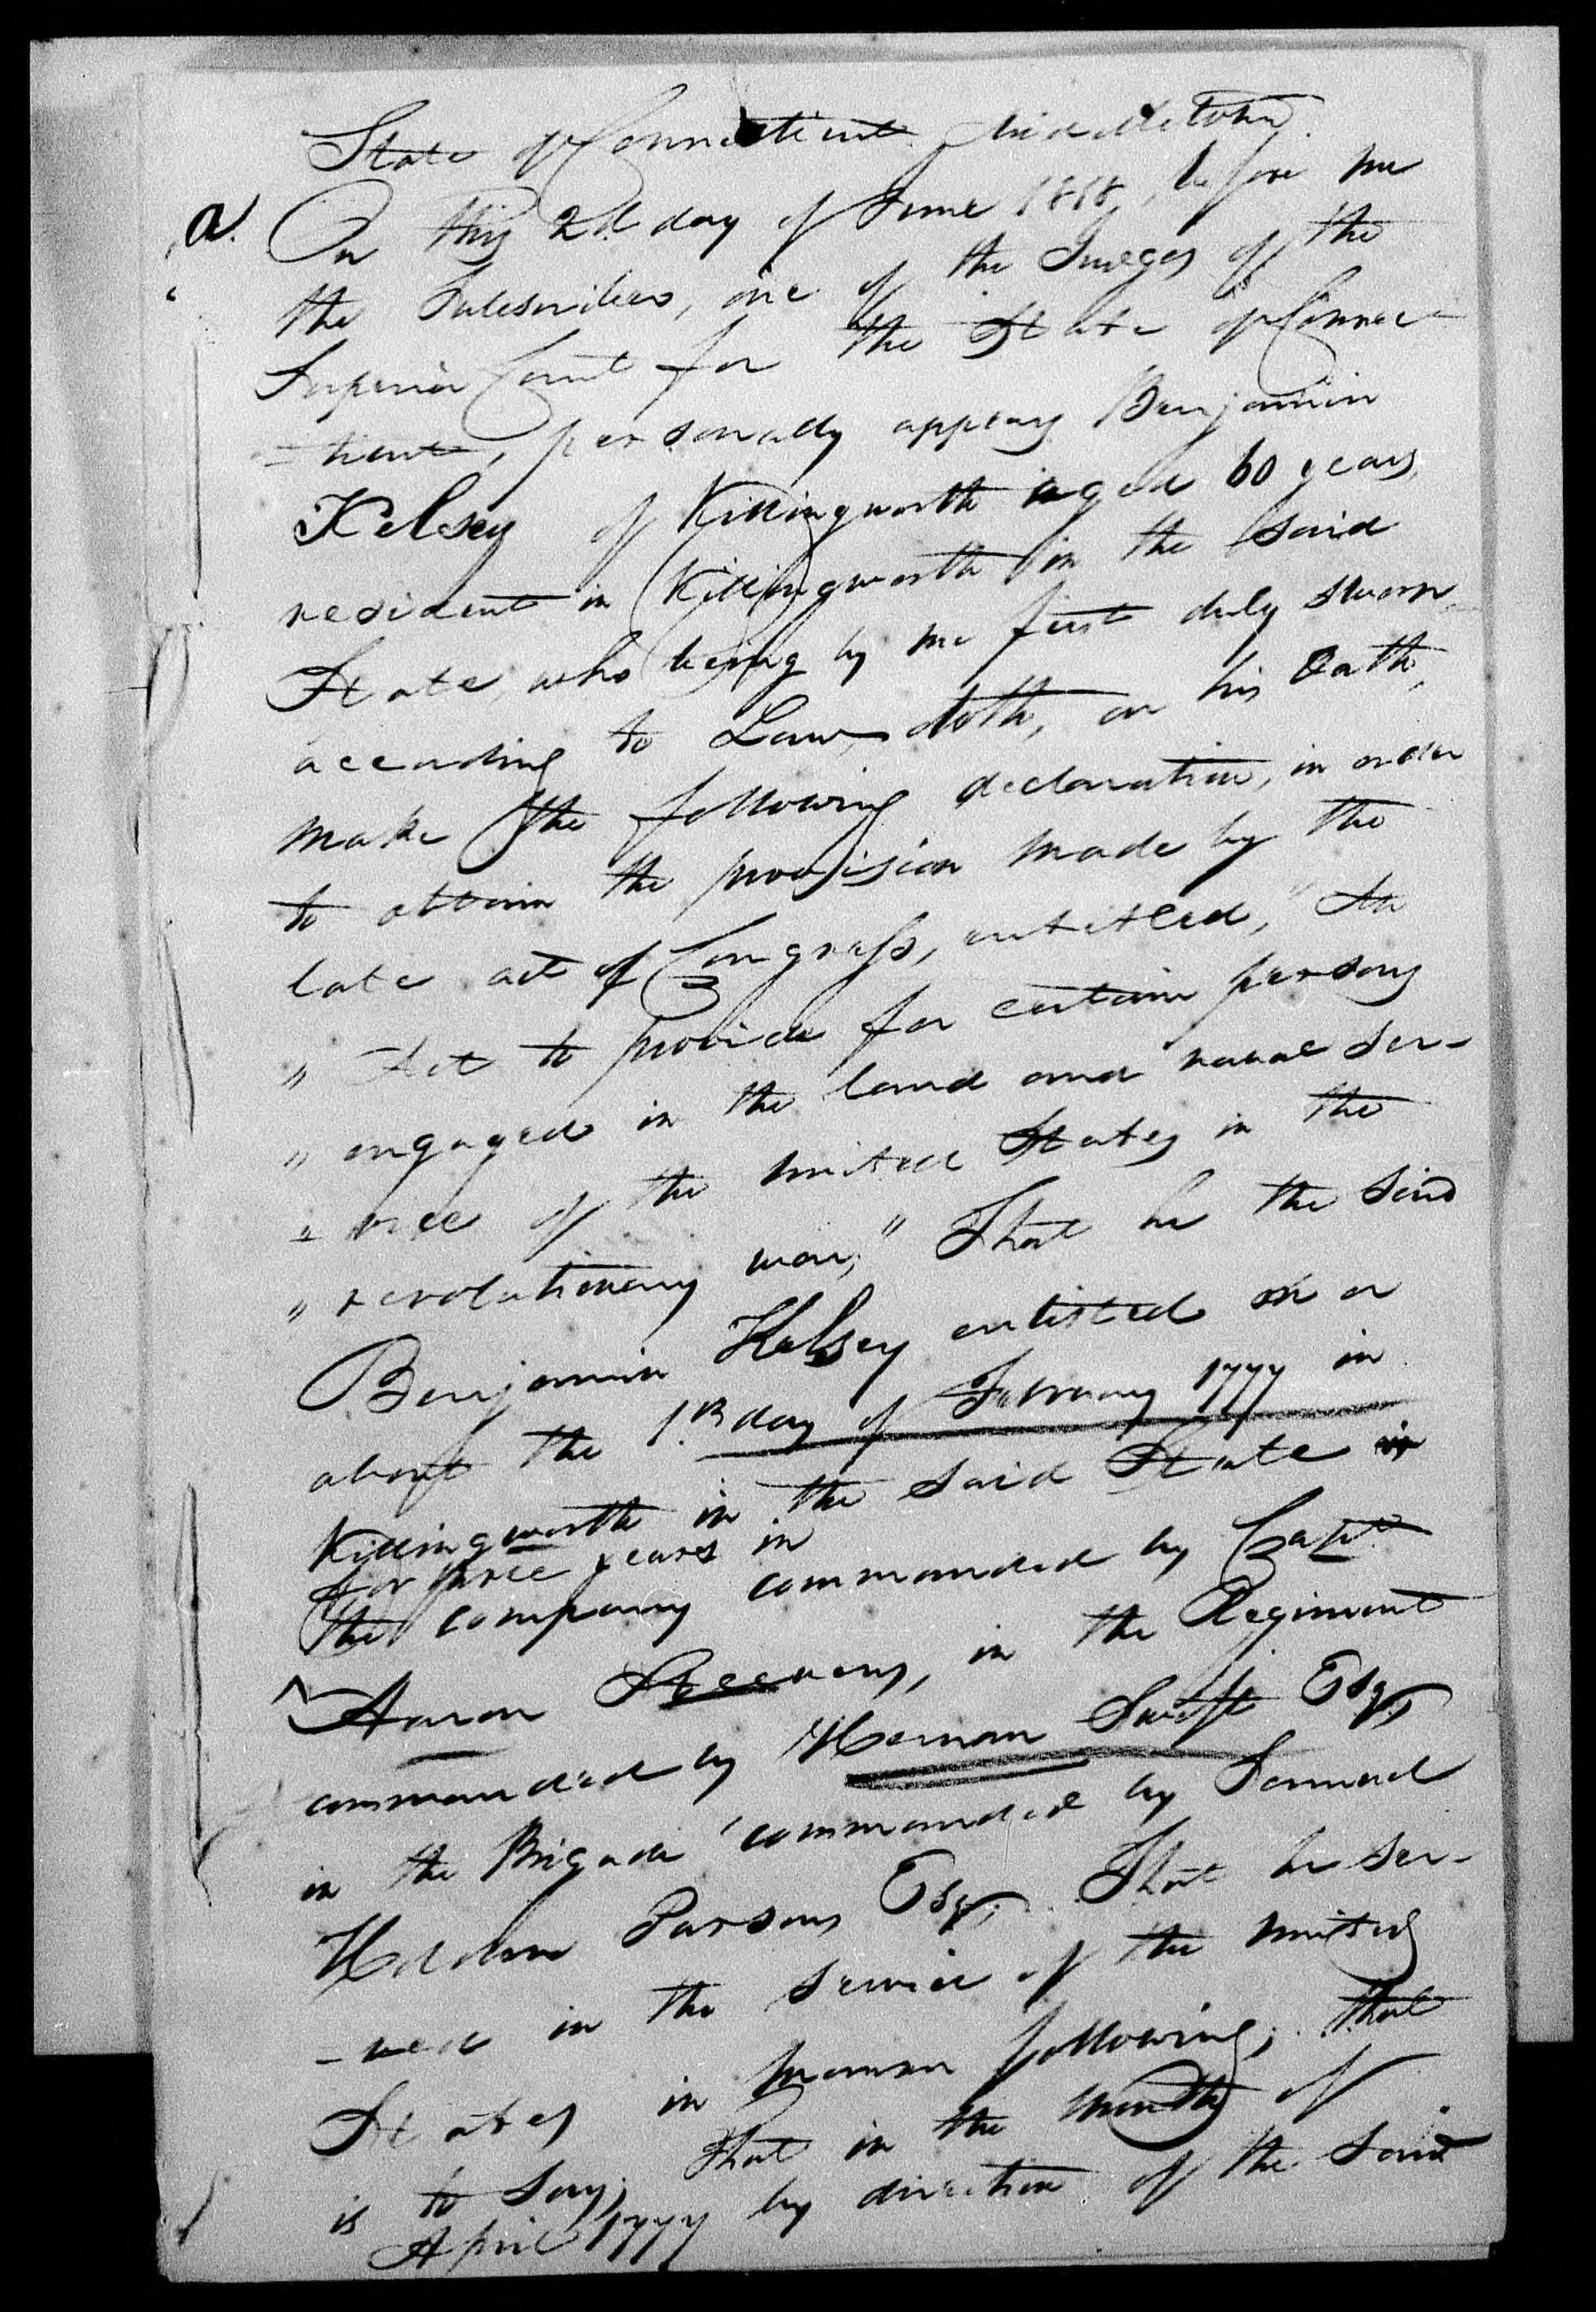A
State of Connecticut Middletown
On this 2d day of June 1818, before me the subscriber, one of the Judges of the Superior Court for the State of Connecticut, personally appears Benjamin Kelsey of Killingworth aged 60 years resident in Killingworth in the said State who being by me first duly sworn according to Law doth on his Oath make the following declaration, in order to obtain the provision made by the late act of Congress entitled, “An act to provide for certain persons engaged in the land and naval service of the United States in the revolutionary war.”  That he the said Benjamin Kelsey enlisted on or about the 1st day of February 1777 in Killingworth in the said State for three years in the company commanded by Capt Aaron Stevens in the Regiment commanded by Heman Swift Esq in the Brigade commanded by Samuel H. Parsons Esqr. That he served in the service of the United States in manner following That in April 1777  and by direction of the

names: Heman Swift; Aaron Steevens; Benjamin Kelsey; Samuel Person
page: 9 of 21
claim: survivor's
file: S. 36676, for Benjamin Kelsey, Connecticut